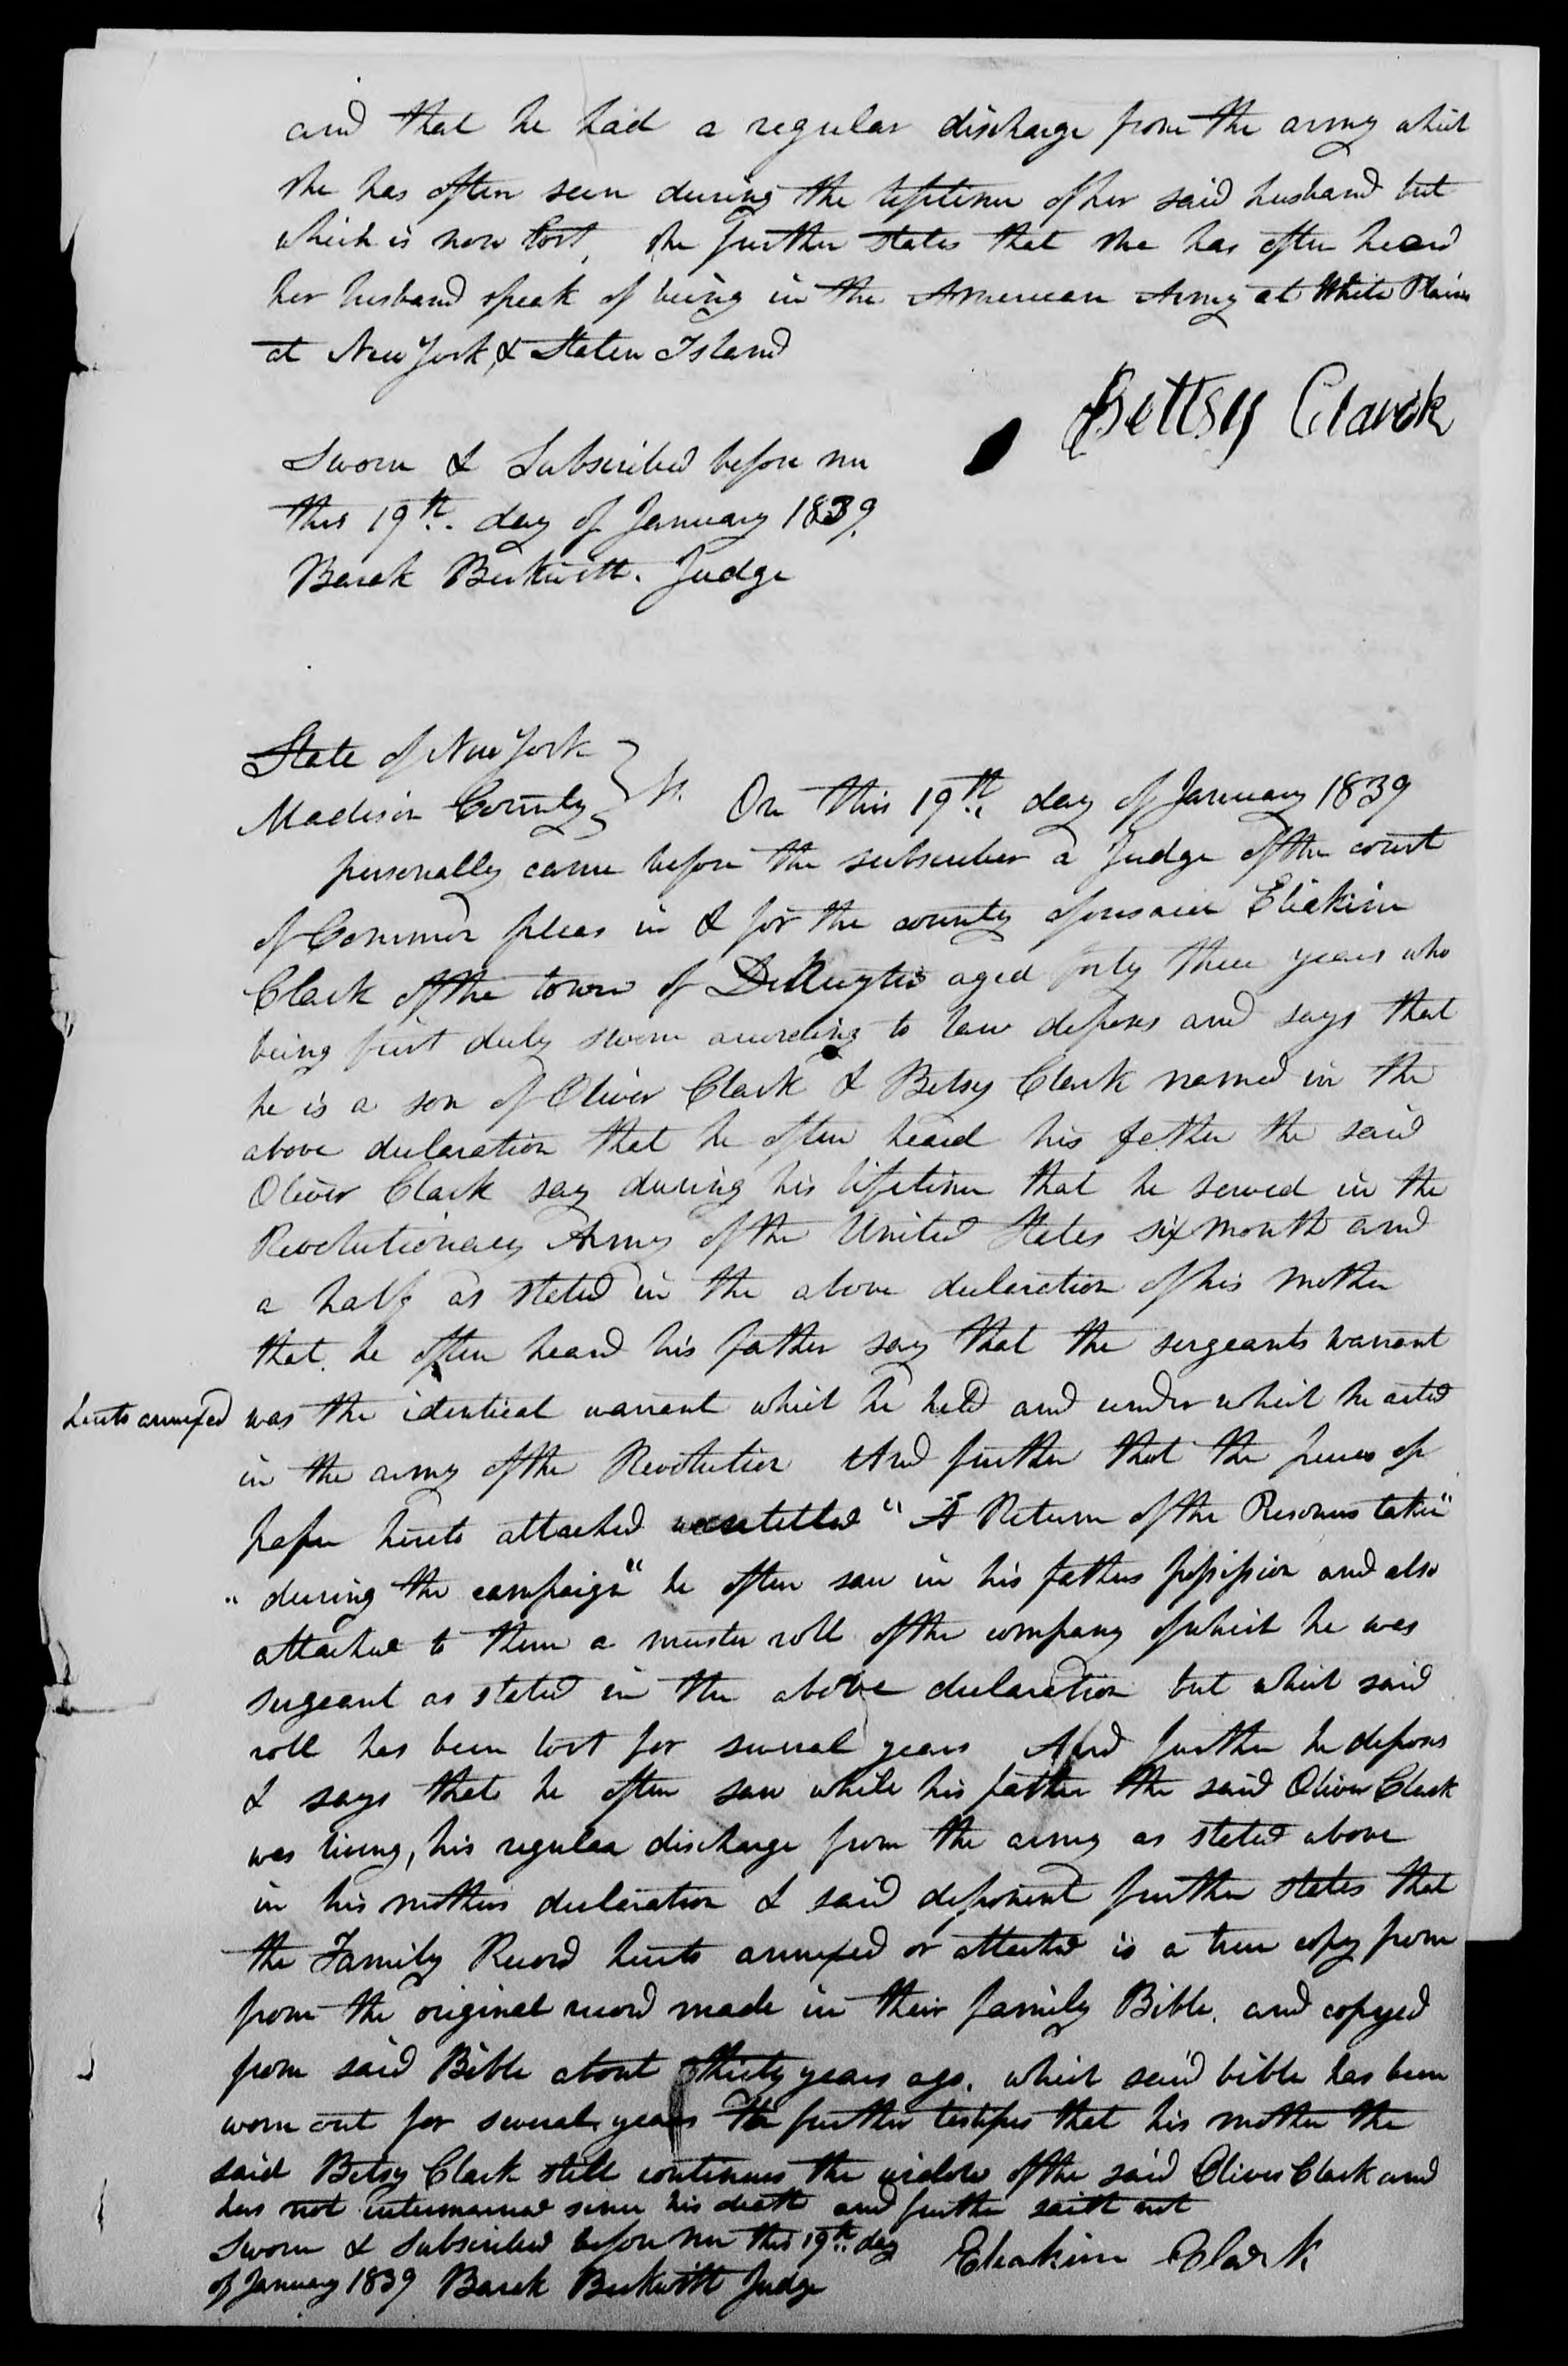[handwritten]
And that he had a regular discharge from the army which she has often seen during the lifetime of her said husband but which is now lost  She further states that she has often heard her husband speak of being in the American Army at White Plains at New York & Staten Island
[signed] Bettsy Clark

Sworn & Subscribed before me
This 19th day of January 1839.
[signed] Barak Beckwith Judge

State of New York
Madison County ss
On this 19th day of January 1839 personally came before the subscribed a Judge of the Court of Common Pleas in & for the county aforesaid Eliakim Clark of the town of DeRuyter aged forty three years who being first duly sworn according to law deposes and says that he is the son of Oliver Clark & Betsy Clark named in the above declaration  that he often heard his father the said Oliver Clark say during his lifetime that he served in the Revolutionary Army of the United States six months and a half as stated in the above declaration of his mother  that he often heard his father say that the sergeants warrant hereto annexed was the identical warrant which he held and under which he acted in the army of the Revolution  And further that the pieces of paper hereto attached entitled “A Return of the Prisoners taken” “during the campaign” he often saw in his fathers possessions and also attached to them a muster roll of the company of which he was sergeant as stated in the above declaration  but which said roll has been lost for several years  And further he deposes & says that he often saw while his father the said Oliver Clark was living, his regular discharge from the army as stated above in her mothers declaration and said deponent further states that the Family Record hereto annexed or attached is a true copy from the original record made in their family Bible. And copyed from said Bible about thirty years ago. Which said Bible has been worn out for several years He further testifies that his mother the said Betsy Clark still continues the widow of the said Oliver Clark and has not intermarried since his death and further saith not
[signed] Eliakim Clark 
Sworn & Subscribed before me this 19th day
Of January 1839
[signed] Barak Beckwith Judge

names: Barak Beckwith, Barak Beckwith, Eliakim Clark, Oliver Clark, Oliver Clark, Oliver Clark, Eleakim Clark, Oliver Clark, Betsy Clark, Bettsy Clark, Betsy Clark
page: 4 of 51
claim: widow's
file: W. 23816, Oliver Clark, Conn.